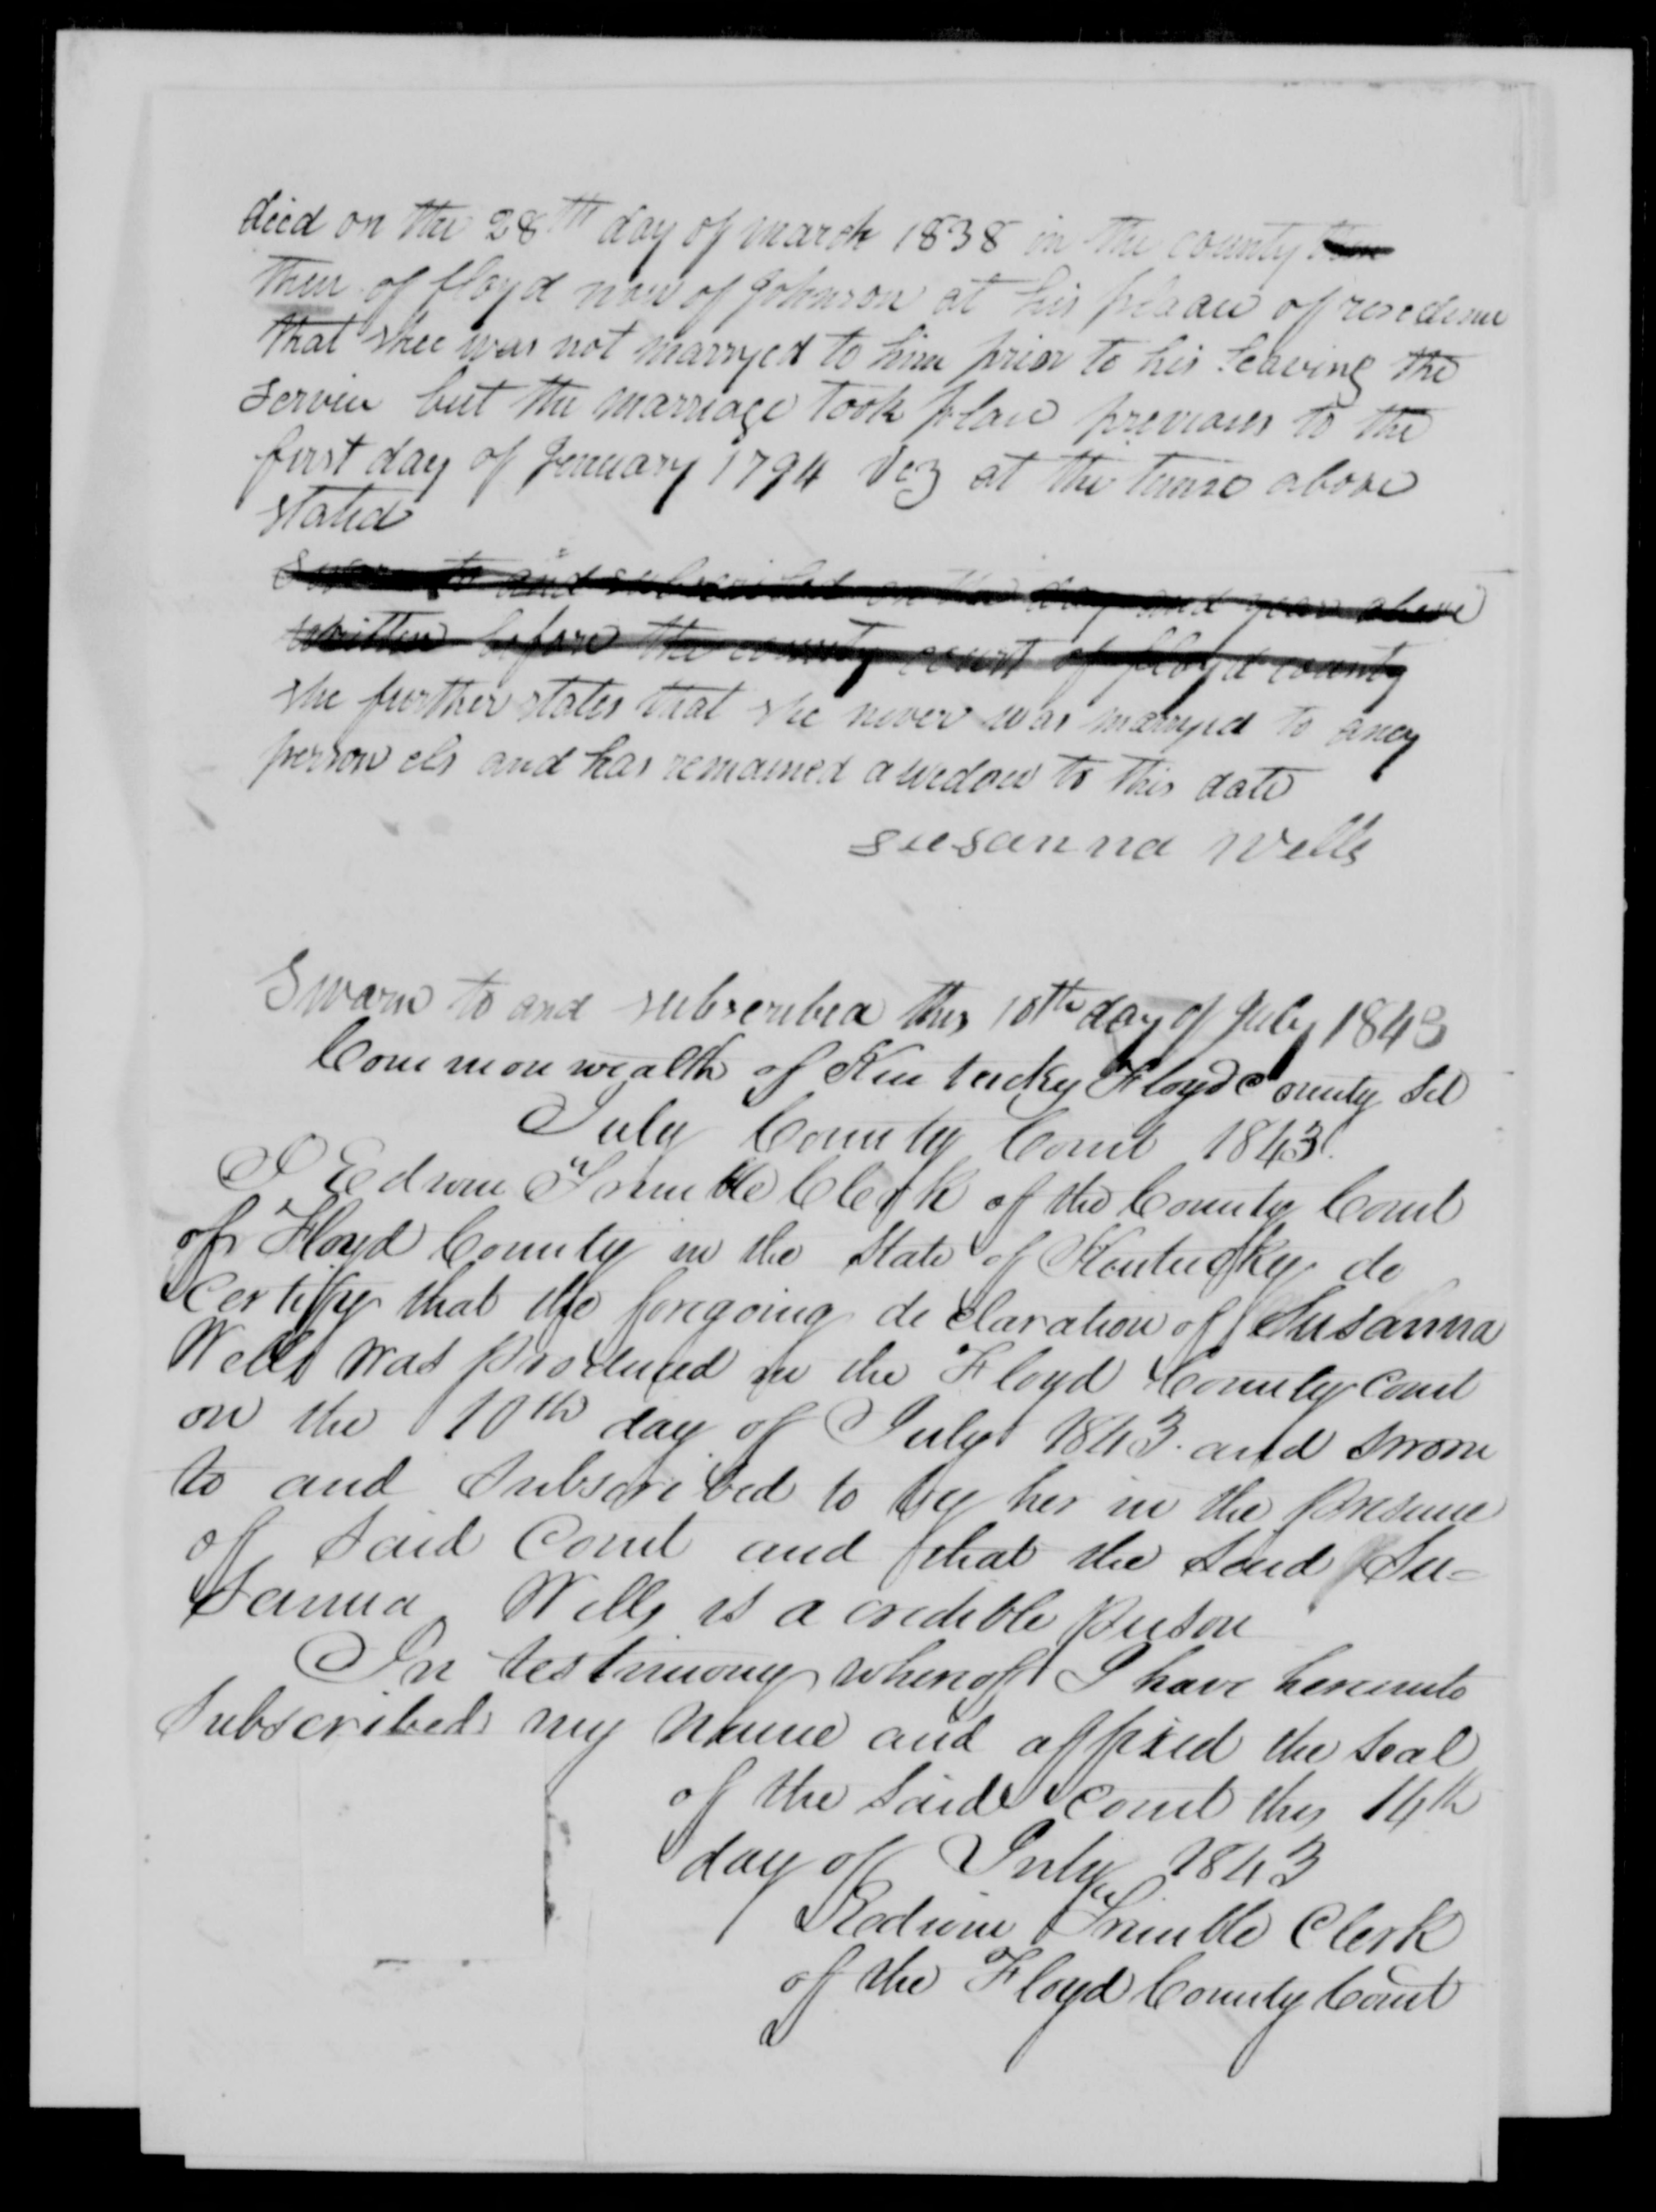died on the 28th day of March 1838 in the County then of Floyd now of Johnson at her place of residence that she was not married to him prior to him leaving the service but the marriage took place previous to the first day of January 1794  viz at the time above stated. She further states that she never was married to any person and has remained a widow to this date. Susanna Wells   Sworn to and subscribed this 10th day of July 1843.               [ Commonwealth of Kentucky Floyd County ] Set  July County Court 1843.  I  Edwin Trimble Clerk of the County Court of Floyd County in the State of Kentucky do certify that the foregoing declaration of  Susanna  Wells was produced in the Floyd County Court on the 10th day of July 1843 and sworn to and subscribed by her in the presence of said Court and that the said  Susanna Wells is a credible person. In testimony where of I have hereunto subscribed my name and affixed the seal of the said Court this 14th  day  of July 1843. Edwin Trimble  ( signed / sealed ) Clerk of the Floyd County Court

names: Edwin Trimble, Susanna Wells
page: 34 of 100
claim: widow's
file: W. 6437, Richard Wells, Ga Va.